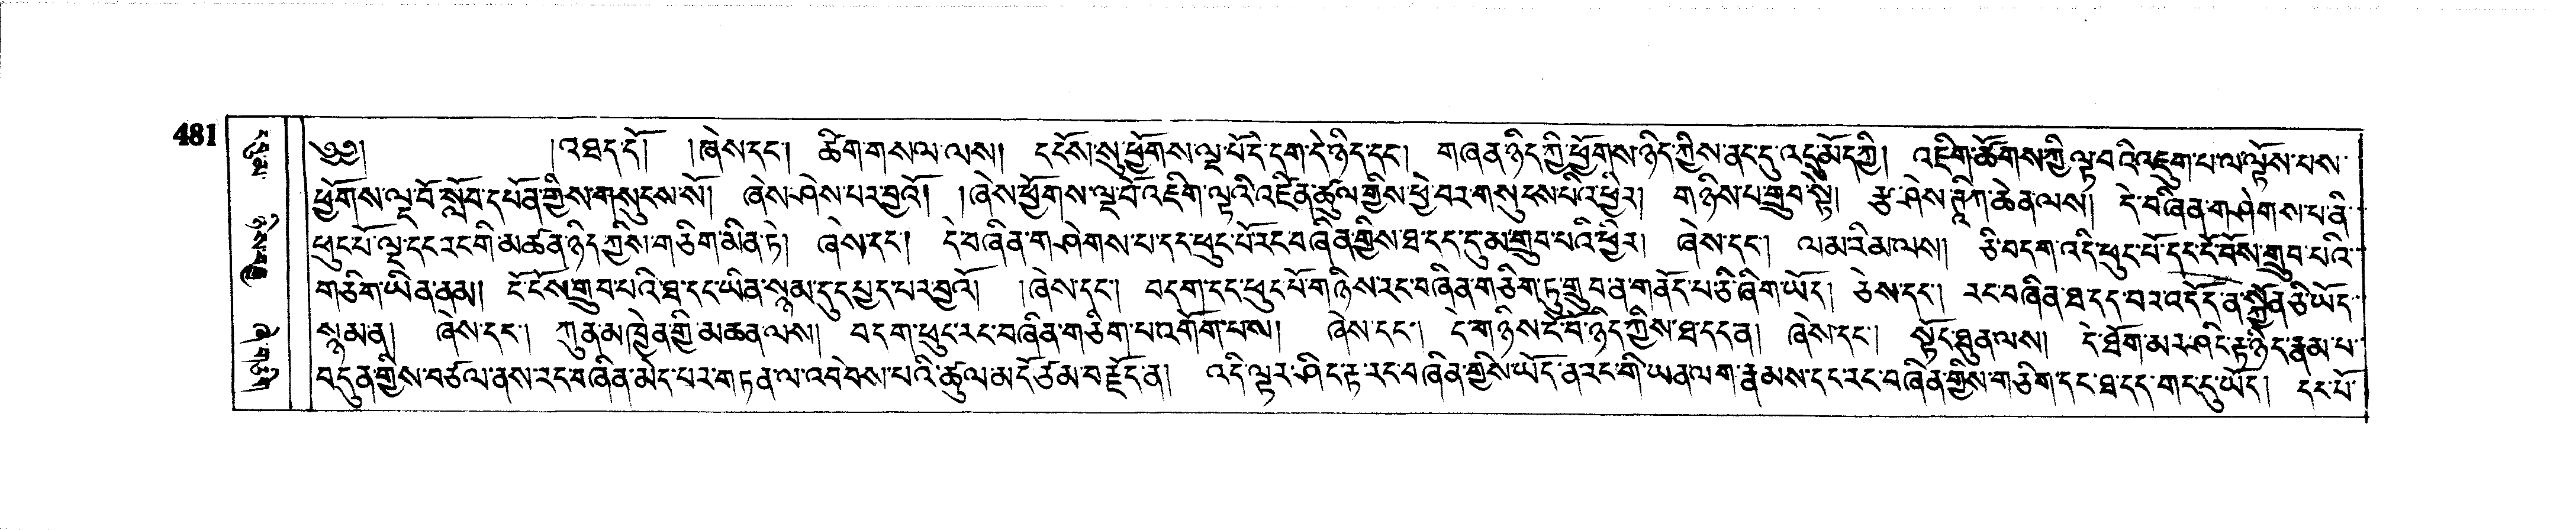༄༅། །འཐད་དོ། །ཞེས་དང་། ཚིག་གསལ་ལས། དངོས་སུ་ཕྱོགས་ལྔ་པོ་དེ་དག་དེ་ཉིད་དང་། གཞན་ཉིད་ཀྱི་ཕྱོགས་ཉིད་ཀྱིས་ནང་དུ་འདུ་མོད་ཀྱི། འཇིག་ཚོགས་ཀྱི་ལྟ་བའི་འཇུག་པ་ལ་ལྟོས་པས་
ཕྱོགས་ལྔ་བོ་སློབ་དཔོན་གྱིས་གསུངས་སོ། ཞེས་ཤེས་པར་བྱའོ། །ཞེས་ཕྱོགས་ལྔ་པོ་འཇིག་ལྟའི་འཛིན་ཚུལ་གྱིས་ཕྱེ་བར་གསུངས་པའི་ཕྱིར། གཉིས་པ་གྲུབ་སྟེ། རྩ་ཤེས་ཊཱིཀ་ཆེན་ལས། དེ་བཞིན་གཤེགས་པ་ནི་
ཕུང་པོ་ལྔ་དང་རང་གི་མཚན་ཉིད་ཀྱིས་གཅིག་མིན་ཏེ། ཞེས་དང་། དེ་བཞིན་གཤེགས་པ་དང་ཕུང་པོ་རང་བཞིན་གྱིས་ཐ་དད་དུ་མ་གྲུབ་པའི་ཕྱིར། ཞེས་དང་། ལམ་རིམ་ལས། ཅི་བདག་འདི་ཕུང་པོ་དང་ངོ་བོས་གྲུབ་པའི་
གཅིག་ཡིན་ནམ། ངོ་ངོས་གྲུབ་པའི་ཐ་དད་ཡིན་སྙམ་དུ་དཔྱད་པར་བྱའོ། །ཞེས་དང་། བདག་དང་ཕུང་པོ་གཉིས་རང་བཞིན་གཅིག་ཏུ་གྲུབ་ན་གནོད་པ་ཅི་ཞིག་ཡོད། ཅེས་དང་། རང་བཞིན་ཐ་དད་བར་འདོད་ན་སྐྱོན་ཅི་ཡོད་
སྙམ་ན། ཞེས་དང་། ཀུན་མཁྱེན་གྱི་མཆན་ལས། བདག་ཕུང་རང་བཞིན་གཅིག་པ་འགོག་པ་ལ། ཞེས་དང་། དེ་གཉིས་ངོ་བོ་ཉིད་ཀྱིས་ཐ་དད་ན། ཞེས་དང་། སྟོང་ཐུན་ལས། ངེ་ཐོག་མར་ཤིང་རྟ་ཉིད་རྣམ་པ་
བདུན་གྱིས་བཙལ་ནས་རང་བཞིན་མེད་པར་གཏན་ལ་འབེབས་པའི་ཚུལ་མདོ་ཙམ་བརྗོད་ན། འདི་ལྟར་ཤིང་རྟ་རང་བཞིན་གྱིས་ཡོད་ན་རང་གི་ཡན་ལག་རྣམས་དང་རང་བཞིན་གྱིས་གཅིག་དང་ཐ་དད་གང་དུ་ཡོད། དང་པོ་